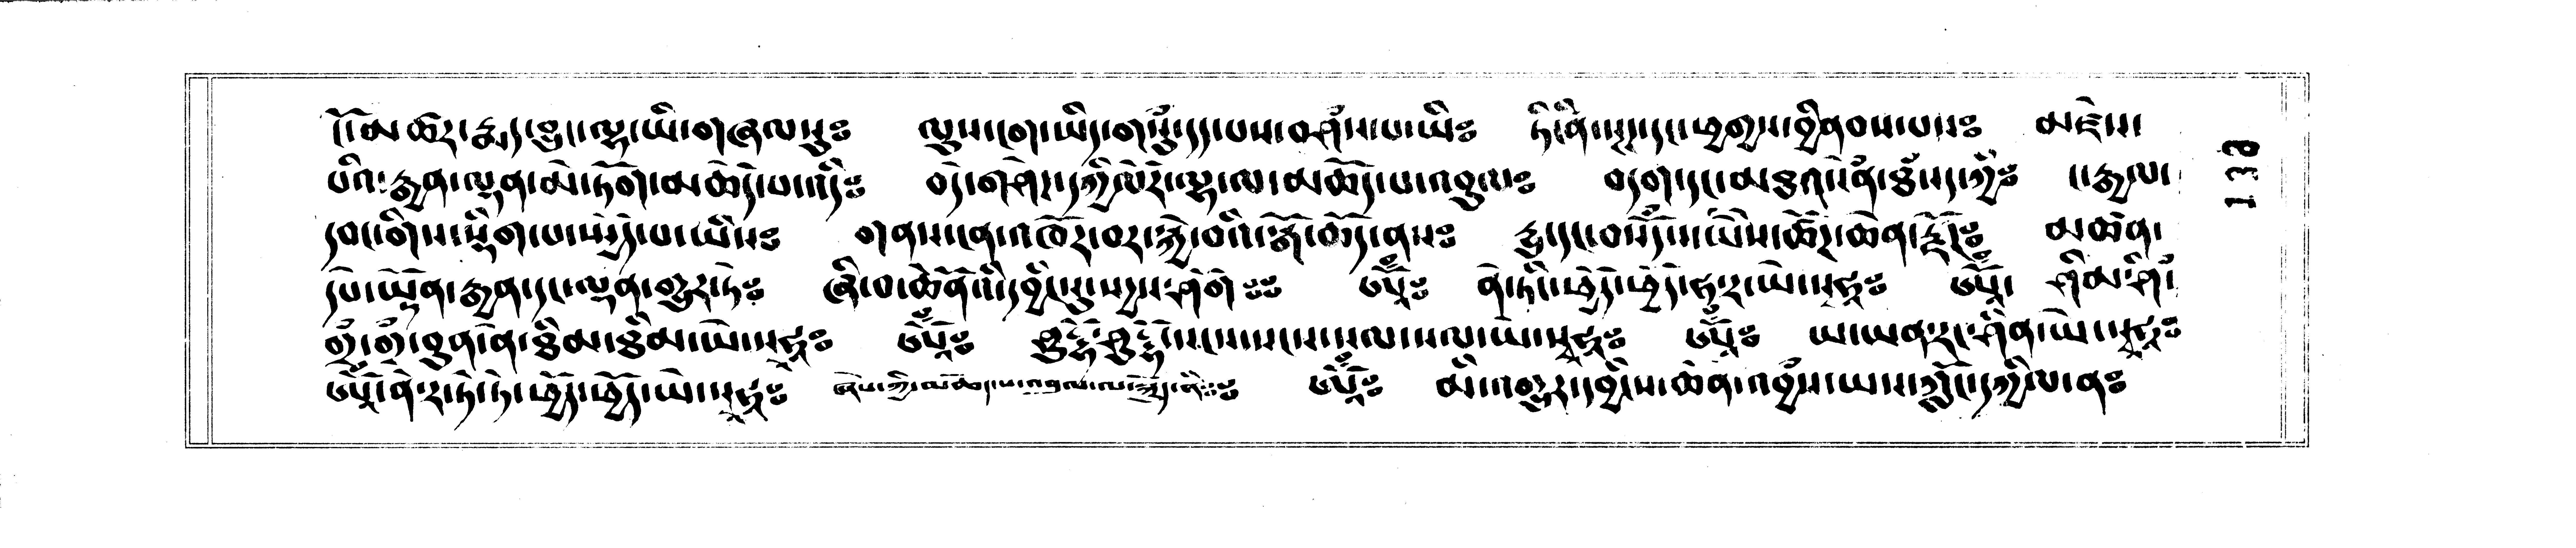ངོ་མཚར་རྨད་བྱུང་ལྷ་ཡི་གཞལ་ཡས་སུཿ ལུས་ངག་ཡིད་གསུམ་དད་པས་བཤམས་པ་ཡིཿ ཏིང་འཛིན་སྔགས་དང་ཕྱག་རྒྱས་བྱིན་བརླབས་པའིཿ མཛེས་
པའི་རྒྱན་ལྡན་མེ་ཏོག་མཆོད་པ་འདིཿ བདེར་གཤེགས་དཀྱིལ་འཁོར་ལྷ་ལ་འབུལ་ལགས་ནཿ བདག་དང་མཐའ་ཡས་སེམས་ཅན་ཐམས་ཅད་ཀྱིསཿ ང་རྒྱལ་
དབང་གིས་སྡིག་པ་སྤྱོད་པ་ཡིསཿ གནས་ངན་འཁོར་བར་སྐྱེ་བའི་སྒོ་ཆོད་ནསཿ ཡེ་ཤེས་ལྷ་ཡི་སྤྱན་དང་ལྡན་གྱུར་ཅིགཿ རྒྱུ་དང་བསོད་ནམས་ཡེ་ཤེས་ཚོགས་རྫོགས་ནསཿ མཚན་
དཔེ་ཡོན་ཏན་རྒྱན་དང་ལྡན་གྱུར་ཏེཿ ཞི་བ་ཆེན་པོའི་དབྱིངས་སུ་སངས་རྒྱས་ཤོགཿ ཨཱོྃཿ ནེ་ཏིང་ཕྱོད་ཕྱོད་ཧ་ར་ཡེ་སྭཱཧཱཿ ཨཱོྃཿ ཤིམ་ཤིམ་
གྲམ་གྲམ་བུན་ནེ་ཐིམ་ཐིམ་ཡེ་སྭཱཧཱཿ ཨཱོྃཿ ཤུདྷོ་ཤུདྷོ་སང་སང་སལ་སལ་ཡེ་སྭཱཧཱཿ ཨཱོྃཿ ཡ་ཡན་རང་ཤིན་ཡེ་སྭཱཧཱཿ 
ཨཱོྃཿ ནེ་ར་ཏེ་ཏེ་ཕྱོད་ཕྱོད་ཡེ་སྭཱཧཱཿ ཞེས་ཀྱི་མཆོད་པ་འབུལ་ལ་སྐུ་བསྟོད་ནིཿ ཨཱོྃ་མི་འགྱུར་དབྱིངས་ཆེན་འབྱམས་ཡས་ཀློང་དཀྱིལ་ནཿ